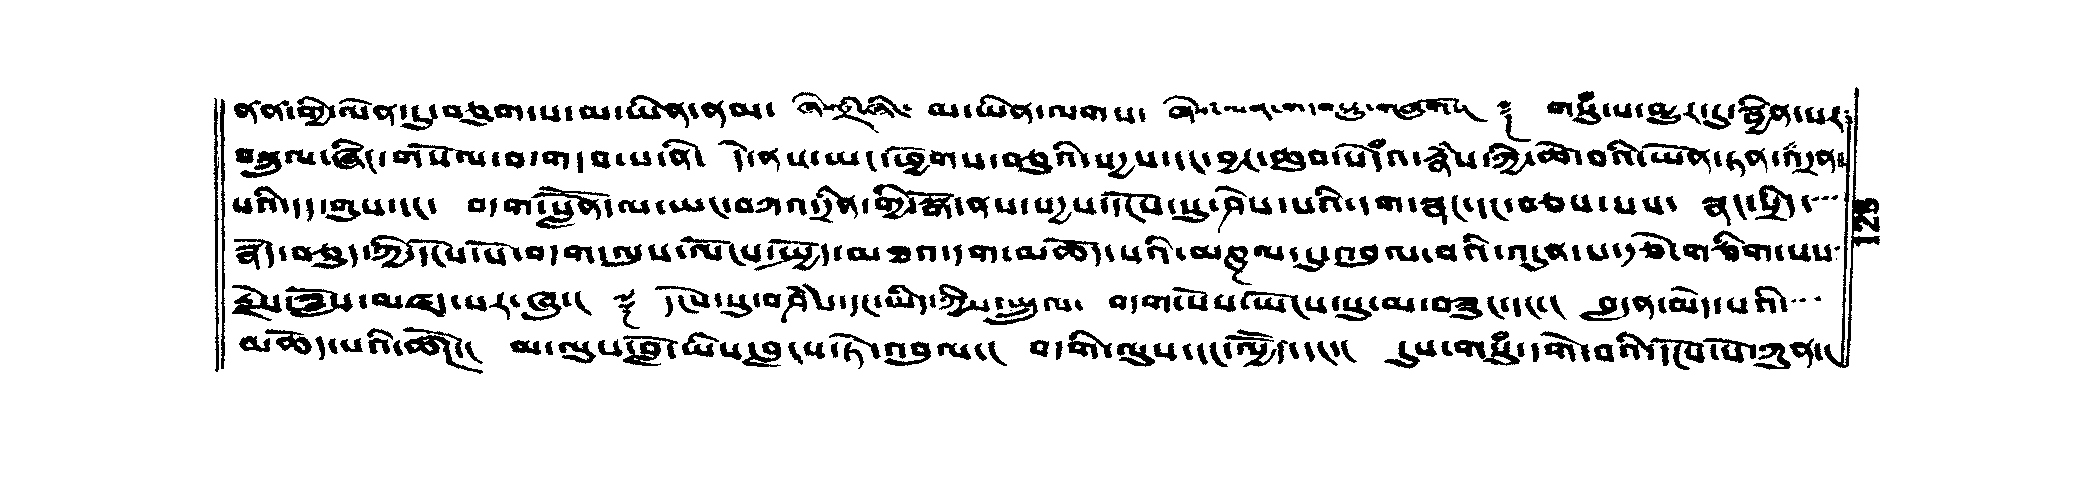ནན་གྱི་ལེན་དུ་བཅུག་པ་མ་ཡིན་ནམ། ཞེས་དྲི་ཞིང་། མ་ཡིན་ལགས། ཞེས་ལན་གདབ་ཏུ་གཞུག་སོ། ༈ གསུམ་མ་མྱུར་དུ་སྦྱིན་པར་
བསྐུལ་ཞིང་གསོལ་བ་གདབ་པ་ནི། དེ་ནས་ཡང་ཕྱོགས་བཅུའི་སངས་རྒྱས་དང་བྱང་ཆུབ་སེམས་དཔའ་རྣམས་ཀྱི་ཆེ་བའི་ཡོན་ཏན་དྲན་
པའི་དད་གུས་དང་། བདག་སློབ་དཔོན་ལ་ཡག་བཀའ་དྲིན་གྱི་སྒོ་ནས་སངས་རྒྱས་དངོས་སུ་ཤེས་པའི་དག་སྣང་དང་བཅས་པས།སྣང་སྲིད་
སྣོད་བཅུད་ཀྱི་དངོས་པོ་བདག་ལུས་ལོངས་སྤྱོད་མཐའ་དག་མཆོད་པའི་མཎྜལ་དུ་འབུལ་བའི་འདུན་པ་རྩེ་གཅིག་པས་
རྗེས་ཟློས་མཛད་པར་ཞུ། ༈ དངོས་སུ་བཤམས་དང་ཡིད་ཀྱིས་སྤྲུལ། བདག་པོས་ཡོངས་སུ་མ་བཟུང་དང་། བླ་ན་མེད་པའི་
མཆོད་པའི་ཚོགས། མ་ལུས་བློ་ཡིས་བླངས་ཏེ་འབུལ། བདག་གི་ལུས་དང་ལོངས་སྤྱོད་དང་། དུས་གསུམ་དགེ་བའི་དངོས་པོ་ཀུན།